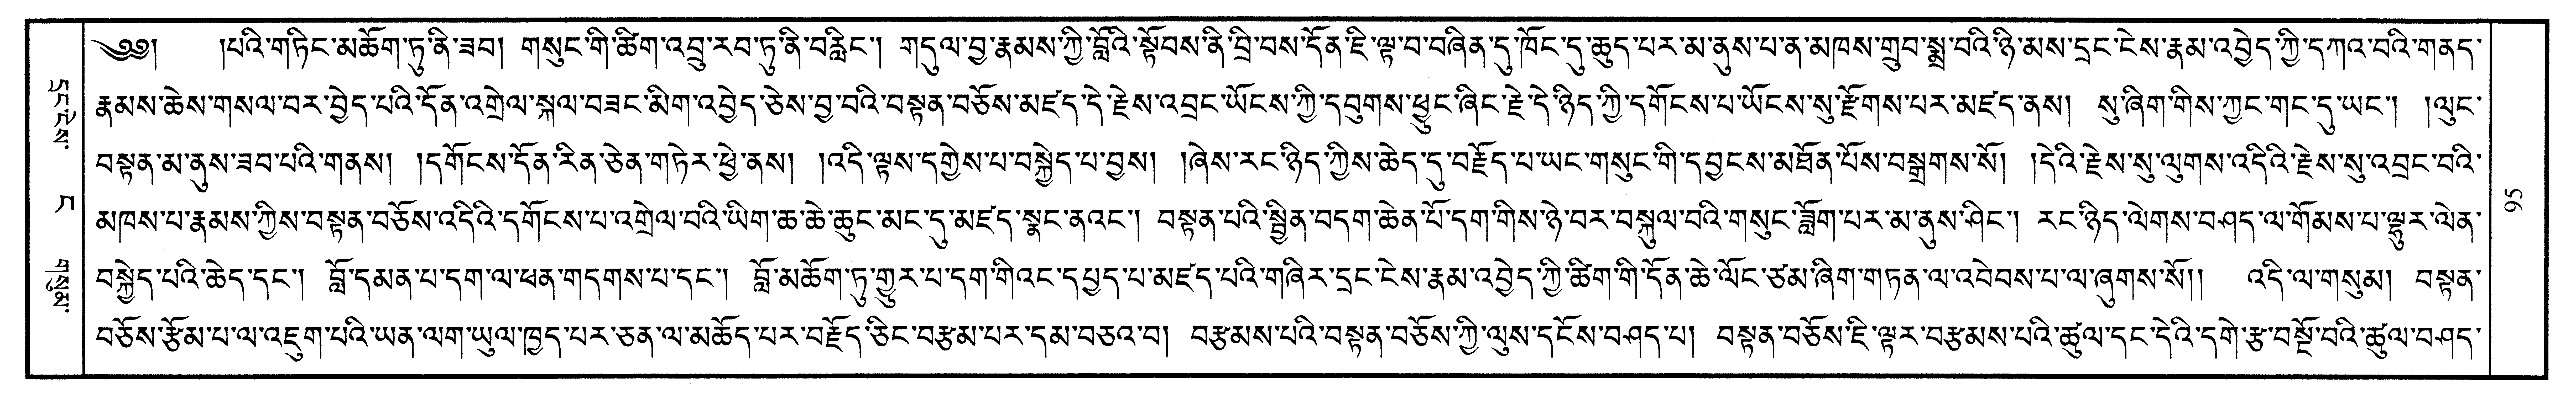༄༅། །པའི་གཏིང་མཆོག་ཏུ་ནི་ཟབ། གསུང་གི་ཚིག་འབྲུ་རབ་ཏུ་ནི་བརླིང་། གདུལ་བྱ་རྣམས་ཀྱི་བློའི་སྟོབས་ནི་བྲི་བས་དོན་ཇི་ལྟ་བ་བཞིན་དུ་ཁོང་དུ་ཆུད་པར་མ་ནུས་པ་ན་མཁས་གྲུབ་སྨྲ་བའི་ཉི་མས་དྲང་ངེས་རྣམ་འབྱེད་ཀྱི་དཀའ་བའི་གནད་
རྣམས་ཆེས་གསལ་བར་བྱེད་པའི་དོན་འགྲེལ་སྐལ་བཟང་མིག་འབྱེད་ཅེས་བྱ་བའི་བསྟན་བཅོས་མཛད་དེ་རྗེས་འབྲང་ཡོངས་ཀྱི་དབུགས་ཕྱུང་ཞིང་རྗེ་དེ་ཉིད་ཀྱི་དགོངས་པ་ཡོངས་སུ་རྫོགས་པར་མཛད་ནས། སུ་ཞིག་གིས་ཀྱང་གང་དུ་ཡང་། །ལུང་
བསྟན་མ་ནུས་ཟབ་པའི་གནས། །དགོངས་དོན་རིན་ཅེན་གཏེར་ཕྱེ་ནས། །འདི་ལྟས་དགྱེས་པ་བསྐྱེད་པ་བྱས། །ཞེས་རང་ཉིད་ཀྱིས་ཆེད་དུ་བརྗོད་པ་ཡང་གསུང་གི་དབྱངས་མཐོན་པོས་བསྒྲགས་སོ། །དེའི་རྗེས་སུ་ལུགས་འདིའི་རྗེས་སུ་འབྲང་བའི་
མཁས་པ་རྣམས་ཀྱིས་བསྟན་བཅོས་འདིའི་དགོངས་པ་འགྲེལ་བའི་ཡིག་ཆ་ཆེ་ཆུང་མང་དུ་མཛད་སྣང་ནའང་། བསྟན་པའི་སྦྱིན་བདག་ཆེན་པོ་དག་གིས་ཉེ་བར་བསྐུལ་བའི་གསུང་ཟློག་པར་མ་ནུས་ཤིང་། རང་ཉིད་ལེགས་བཤད་ལ་གོམས་པ་ལྷུར་ལེན་
བསྐྱེད་པའི་ཆེད་དང་། བློ་དམན་པ་དག་ལ་ཕན་གདགས་པ་དང་། བློ་མཆོག་ཏུ་གྱུར་པ་དག་གིའང་དཔྱད་པ་མཛད་པའི་གཞིར་དྲང་ངེས་རྣམ་འབྱེད་ཀྱི་ཚིག་གི་དོན་ཆེ་ལོང་ཙམ་ཞིག་གཏན་ལ་འབེབས་པ་ལ་ཞུགས་སོ།། འདི་ལ་གསུམ། བསྟན་
བཅོས་རྩོམ་པ་ལ་འཇུག་པའི་ཡན་ལག་ཡུལ་ཁྱད་པར་ཅན་ལ་མཆོད་པར་བརྗོད་ཅིང་བརྩམ་པར་དམ་བཅའ་བ། བརྩམས་པའི་བསྟན་བཅོས་ཀྱི་ལུས་དངོས་བཤད་པ། བསྟན་བཅོས་ཇི་ལྟར་བརྩམས་པའི་ཚུལ་དང་དེའི་དགེ་རྩ་བསྔོ་བའི་ཚུལ་བཤད་